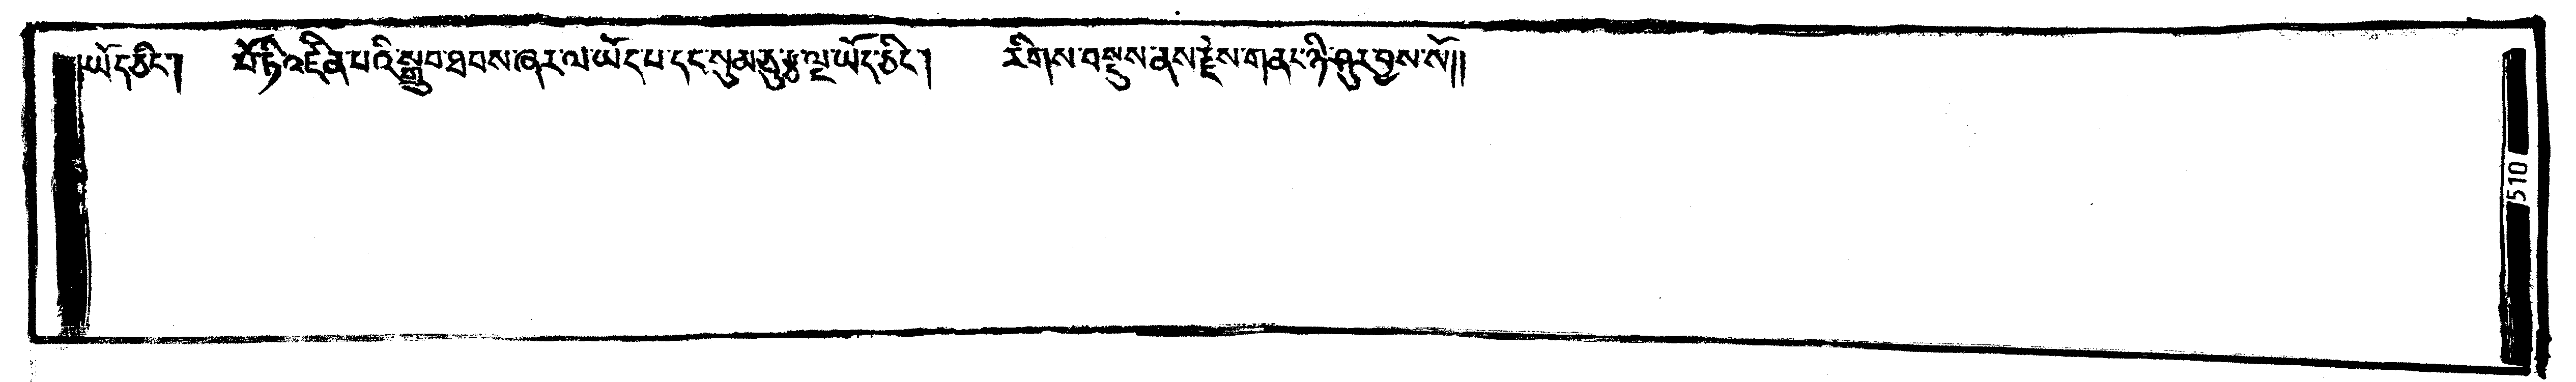ཡོད་ཅིང་། པོ་ཏི་འཛིན་པའི་སྒྲུབ་ཐབས་ཞར་ལ་ཡོད་པ་དང་སུམ་ཅུ་རྩ་ལྔ་ཡོད་ཅིང་། རིགས་བསྡུས་ནས་རྗེས་གནང་ཉི་ཤུར་བྱས་སོ།།